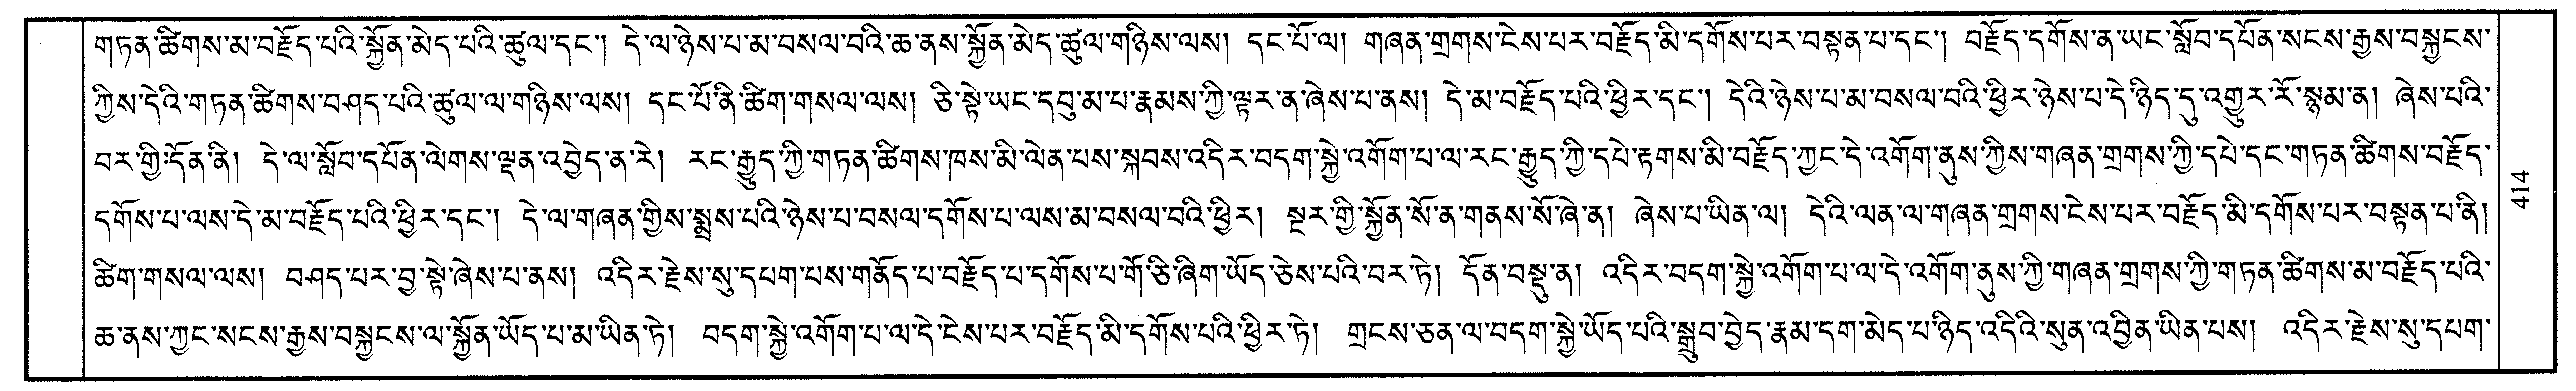གཏན་ཚིགས་མ་བརྗོད་པའི་སྐྱོན་མེད་པའི་ཚུལ་དང་། དེ་ལ་ཉེས་པ་མ་བསལ་བའི་ཆ་ནས་སྐྱོན་མེད་ཚུལ་གཉིས་ལས། དང་པོ་ལ། གཞན་གྲགས་ངེས་པར་བརྗོད་མི་དགོས་པར་བསྟན་པ་དང་། བརྗོད་དགོས་ན་ཡང་སློབ་དཔོན་སངས་རྒྱས་བསྐྱངས་
ཀྱིས་དེའི་གཏན་ཚིགས་བཤད་པའི་ཚུལ་ལ་གཉིས་ལས། དང་པོ་ནི་ཚིག་གསལ་ལས། ཅི་སྟེ་ཡང་དབུ་མ་པ་རྣམས་ཀྱི་ལྟར་ན་ཞེས་པ་ནས། དེ་མ་བརྗོད་པའི་ཕྱིར་དང་། དེའི་ཉེས་པ་མ་བསལ་བའི་ཕྱིར་ཉེས་པ་དེ་ཉིད་དུ་འགྱུར་རོ་སྙམ་ན། ཞེས་པའི་
བར་གྱི་དོན་ནི། དེ་ལ་སློབ་དཔོན་ལེགས་ལྡན་འབྱེད་ན་རེ། རང་རྒྱུད་ཀྱི་གཏན་ཚིགས་ཁས་མི་ལེན་པས་སྐབས་འདིར་བདག་སྐྱེ་འགོག་པ་ལ་རང་རྒྱུད་ཀྱི་དཔེ་རྟགས་མི་བརྗོད་ཀྱང་དེ་འགོག་ནུས་ཀྱི་གཞན་གྲགས་ཀྱི་དཔེ་དང་གཏན་ཚིགས་བརྗོད་
དགོས་པ་ལས་དེ་མ་བརྗོད་པའི་ཕྱིར་དང་། དེ་ལ་གཞན་གྱིས་སྨྲས་པའི་ཉེས་པ་བསལ་དགོས་པ་ལས་མ་བསལ་བའི་ཕྱིར། སྔར་གྱི་སྐྱོན་སོ་ན་གནས་སོ་ཞེ་ན། ཞེས་པ་ཡིན་ལ། དེའི་ལན་ལ་གཞན་གྲགས་ངེས་པར་བརྗོད་མི་དགོས་པར་བསྟན་པ་ནི།
ཚིག་གསལ་ལས། བཤད་པར་བྱ་སྟེ་ཞེས་པ་ནས། འདིར་རྗེས་སུ་དཔག་པས་གནོད་པ་བརྗོད་པ་དགོས་པ་གོ་ཅི་ཞིག་ཡོད་ཅེས་པའི་བར་ཏེ། དོན་བསྡུ་ན། འདིར་བདག་སྐྱེ་འགོག་པ་ལ་དེ་འགོག་ནུས་ཀྱི་གཞན་གྲགས་ཀྱི་གཏན་ཚིགས་མ་བརྗོད་པའི་
ཆ་ནས་ཀྱང་སངས་རྒྱས་བསྐྱངས་ལ་སྐྱོན་ཡོད་པ་མ་ཡིན་ཏེ། བདག་སྐྱེ་འགོག་པ་ལ་དེ་ངེས་པར་བརྗོད་མི་དགོས་པའི་ཕྱིར་ཏེ། གྲངས་ཅན་ལ་བདག་སྐྱེ་ཡོད་པའི་སྒྲུབ་བྱེད་རྣམ་དག་མེད་པ་ཉིད་འདིའི་སུན་འབྱིན་ཡིན་པས། འདིར་རྗེས་སུ་དཔག་